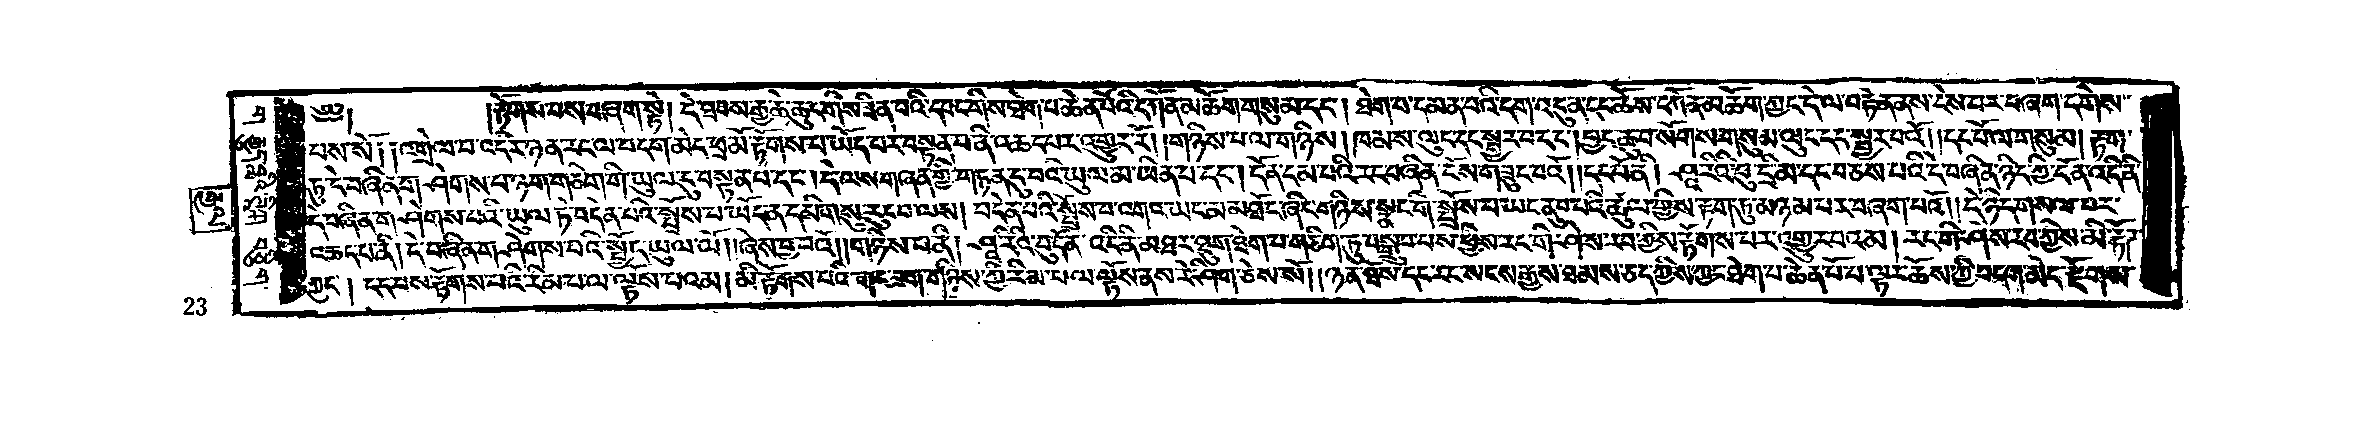༄༅། །རྟོགས་པས་བཞག་སྟེ། དེ་ཐབས་རྒྱ་ཆེ་ཆུང་གིས་ཟིན་པའི་དབང་གིས་ཐེག་པ་ཆེན་པོའི་དཀོན་མཆོག་གསུམ་དང་། ཐེག་པ་དམན་པའི་དག་འདུན་དང་ཆོས་དཀོན་མཆོག་ཀྱང་དེ་ལ་བརྟེན་ནས་ངེས་པར་བཞག་དགོས་
པས་སོ༑ ༑འགྲེལ་པ་འདིར་ཉན་རང་ལ་བདག་མེད་ཕྲ་མོ་རྟོགས་པ་ཡོད་པར་བསྟན་པ་ནི་འཆད་པར་འགྱུར་རོ། །གཉིས་པ་ལ་གཉིས། ཁམས་ལུང་དང་སྦྱར་བ་དང་། བྱང་ཆུབ་སོགས་གསུམ་ལུང་དང་སྦྱར་བའོ། །དང་པོ་ལ་གསུམ། རྟག་
ཏུ་དེ་བཞིན་གཤེགས་པ་ཉག་གཅིག་གི་ཡུལ་དུ་བསྟན་པ་དང་། དེ་ལས་གཞན་གྱི་གཏན་དུ་བའི་ཡུལ་མ་ཡིན་པ་དང་། དོན་དམ་པའི་རང་བཞིན་ངོས་གཟུང་བའོ། །དང་པོ་ནི། ཤཱ་རིའི་བུ་དྲི་མ་དང་བཅས་པའི་དེ་བཞིན་ཉིད་ཀྱི་དོན་འདི་ནི་
དེ་བཞིན་གཤེགས་པའི་ཡུལ་ཏེ་བདེན་པའི་སྤྲོས་པ་ཡོད་ན་དམིགས་སུ་རུང་བ་ལས། བདེན་པའི་སྤྲོས་པ་འགའ་ཡང་མ་མཐོང་ཞིང་གཉིས་སྣང་གི་སྤྲོས་པ་ཡང་ནུབ་པའི་ཚུལ་གྱིས་རྟག་ཏུ་མཉམ་པར་བཞག་པའོ། །དེ་ཉིད་གསལ་བར་
འཆད་པ་ནི། དེ་བཞིན་གཤེགས་པའི་སྤྱོད་ཡུལ་ལོ། །ཞེས་བྱ་བའོ། །གཉིས་པ་ནི། ཤཱ་རིའི་བུ་དོན་འདི་ནི་མཐར་ཐུག་ཐེག་པ་གཅིག་ཏུ་བསྒྲུབ་པས་ཕྱིས་རང་གི་ཤེས་རབ་ཀྱིས་རྟོགས་པར་འགྱུར་བའམ། རང་གི་ཤེས་རབ་ཀྱིས་མི་རྟོགས་
ཀྱང་། དད་པས་རྟོགས་པའི་རིམ་པ་ལ་ལྟོས་པའམ། མི་རྟོགས་པའི་གང་ཟག་གཉིས་ཀྱི་རིམ་པ་ལ་ལྟོས་ནས་རེ་ཤིག་ཅེས་སོ། །ཉན་ཐོས་དང་རང་སངས་རྒྱས་ཐམས་ཅད་ཀྱིས་ཀྱང་ཐེག་པ་ཆེན་པོ་བ་ལྟར་ཆོས་ཀྱི་བདག་མེད་རྫོགས་